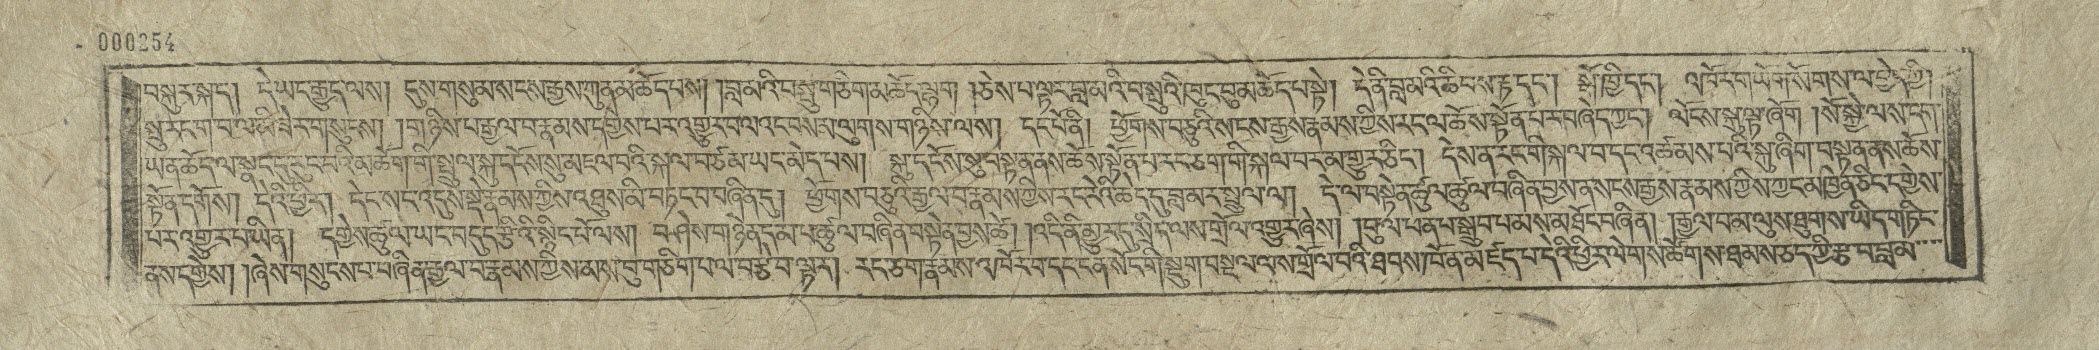བསྐུར་སྐད། དེ་ཡང་རྒྱུད་ལས། དུས་གསུམ་སངས་རྒྱས་ཀུན་མཆོད་པས། །བླ་མའི་བ་སྤུ་གཅིག་མཆོད་ལྷག །ཅེས་པ་ལྟར་བླ་མའི་བ་སྤུའི་ཁུང་བུ་མཆོད་པ་སྟེ། དེ་ནི་བླ་མའི་ཆིབས་རྟ་དང་། སྒོ་ཁྱི་དང་། འཁོར་གཡོག་སོགས་ལ་བྱེད་ཀྱི།
སྤུ་རང་ག་བ་ལ་མི་ཟེར་གསུངས། །གཉིས་པ་རྒྱལ་བ་རྣམས་དགྱེས་པར་འགྱུར་བ་ལའང་བསམ་ལུགས་གཉིས་ལས། དང་པོ་ནི། ཕྱོགས་བཅུའི་སངས་རྒྱས་རྣམས་ཀྱིས་རང་ལ་ཆོས་སྟོན་པར་བཞེད་ཀྱང་། ལོངས་སྐུ་ལྟ་ཞོག །སོ་སྐྱེ་ལས་དག་
ཡན་ཆོད་ལ་སྣང་དུ་རུང་བའི་མཆོག་གི་སྤྲུལ་སྐུ་དངོས་སུ་མཇལ་བའི་སྐལ་བ་ཙམ་ཡང་མེད་པས། སྐུ་དངོས་སུ་བསྟན་ནས་ཆོས་སྟོན་པ་རང་ཅག་གི་སྐལ་བར་མ་གྱུར་ཅིང་། དེས་ན་རང་གི་སྐལ་བ་དང་འཚམས་པའི་སྐུ་ཞིག་བསྟན་ནས་ཆོས་
སྟོན་དགོས། དེའི་ཕྱིར། དེང་སང་འདུས་སྡེ་རྣམས་ཀྱིས་འཐུས་མི་བཏང་བ་བཞིན་དུ། ཕྱོགས་བཅུའི་རྒྱལ་བ་རྣམས་ཀྱིས་རང་རེའི་ཆེད་དུ་བླ་མར་སྤྲུལ་ལ། དེ་ལ་བསྟེན་ཚུལ་ཚུལ་བཞིན་བྱས་ན་སངས་རྒྱས་རྣམས་ཀྱིས་ཀྱང་མཁྱེན་ཅིང་དགྱེས་
པར་འགྱུར་པ་ཡིན། དགྱེས་ཚུལ་ཡང་བདུད་རྩིའི་སྙིང་པོ་ལས། བཤེས་གཉེན་དམ་པ་ཚུལ་བཞིན་བསྟེན་བྱས་ཚེ། །འདི་ནི་མྱུར་དུ་སྲིད་ལས་གྲོལ་འགྱུར་ཞེས། །བུ་ལ་ཕན་པ་སྒྲུབ་པ་མས་མཐོང་བཞིན། །རྒྱལ་བ་མ་ལུས་ཐུགས་ཡིད་གཏིང་
ནས་དགྱེས། །ཞེས་གསུངས་པ་བཞིན་རྒྱལ་བ་རྣམས་ཀྱིས་མས་བུ་གཅིག་པ་ལ་བརྩེ་བ་ལྟར། རང་ཅག་རྣམས་འཁོར་བ་དང་ངན་སོང་གི་སྡུག་བསྔལ་ལས་གྲོལ་བའི་ཐབས་ཁོ་ན་མཛད་པ་དེའི་ཕྱིར་ལེགས་ཚོགས་ཐམས་ཅད་ཀྱི་རྩ་བ་བླ་མ་